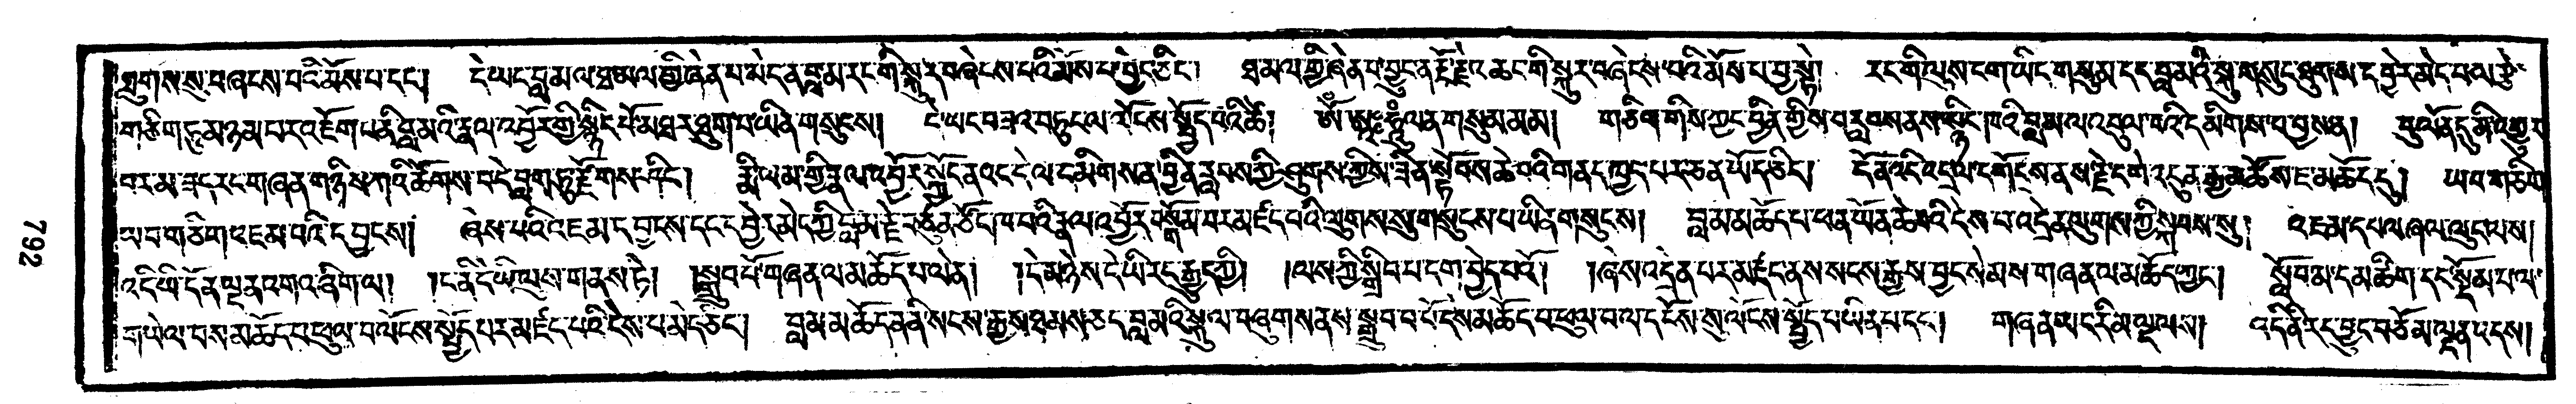ཐུགས་སུ་བཞངས་པའི་མོས་པ་དང་། དེ་ཡང་བླ་མ་ལ་ཐ་མ་ལ་གྱི་ཞེན་པ་མེད་ན་བླ་མ་རང་གི་སྐུར་བཞེངས་པའི་མོས་པ་བྱེད་ཅིང་། ཐ་མལ་གྱི་ཞེན་པ་བྱུང་ན་རྡོ་རྗེ་འཆང་གི་སྐུར་བཞེངས་པའི་མོས་པ་བྱ་སྟེ། རང་གི་ལུས་ངག་ཡིད་གསུམ་དང་བླ་མའི་སྐུ་གསུང་ཐུགས་དབྱེར་མེད་པ་ལ་རྩེ་
གཅིག་ཏུ་མཉམ་པར་འཇོག་པ་ནི་བླ་མའི་རྣལ་འབྱོར་གྱི་སྙིང་པོ་མཐར་ཐུག་པ་ཡིན་གསུངས། དེ་ཡང་བཟའ་བཏུང་ལ་ལོངས་སྤྱོད་པའི་ཚེ། ཨོཾ་ཨཱཿཧཱུཾ་ལན་གསུམ་མམ། གཅིག་གིས་ཀྱང་བྱིན་གྱིས་བརླབས་ནས་སྙིང་ཁའི་བླ་མ་ལ་འབུལ་བའི་དམིགས་པ་བྱས་ན། བུ་ལོན་དུ་མི་འགྱུར་
བར་མ་ཟད་རང་གཞན་གཉིས་ཀའི་ཚོགས་བདེ་བླག་ཏུ་རྫོགས་ཤིང་། རྨི་ལམ་གྱི་རྣལ་འབྱོར་སྐྱོང་ནའང་དེ་ལ་དམིགས་ན་བྱིན་རླབས་ཀྱི་ཤུགས་ཀྱིས་ཟིན་སྟོབས་ཆེ་བའི་གནད་ཁྱད་པར་ཅན་ཡོད་ཅིང་། དོན་འདི་འདྲ་ལ་དགོངས་ནས་རྗེ་དགེ་འདུན་རྒྱ་མཚོས་ཇ་མཆོད་དུ། ཡབ་གཅིག་
ཡབ་གཅིག་འཇམ་པའི་དབྱངས། ཞེས་པའི་འཇམ་དབྱངས་དང་དབྱེར་མེད་ཀྱི་བླ་མ་རྗེ་བཙུན་ཙོང་ཁ་པའི་རྣལ་འབྱོར་བསྒོམ་པར་མཛད་པའི་ལུགས་སུ་གསུངས་པ་ཡིན་གསུངས། བླ་མ་མཆོད་པ་ཕན་ཡོན་ཆེ་བའི་ངེས་པ་འདྲེན་ལུགས་ཀྱི་སྐབས་སུ། འཇམ་དཔལ་ཞལ་ལུང་ལས།
འདི་ཡི་དོན་ལྡན་འགའ་ཞིག་ལ། །ང་ནི་དེ་ཡི་ལུས་གནས་ཏེ། །སྒྲུབ་པོ་གཞན་ལ་མཆོད་པ་ལེན། །དེ་མཉེས་དེ་ཡི་རང་རྒྱུད་ཀྱི། །ལས་ཀྱི་སྒྲིབ་པ་དག་བྱེད་པའོ། །ཞེས་འདྲེན་པར་མཛད་ནས་སངས་རྒྱས་བྱང་སེམས་གཞན་ལ་མཆོད་ཀྱང་། སློབ་མ་དམ་ཚིག་དང་སྡོམ་པ་ལ་
གཡེལ་བས་མཆོད་པ་ཕུལ་བ་ལོངས་སྤྱོད་པར་མཛད་པའི་ངེས་པ་མེད་ཅིང་། བླ་མ་མཆོད་ན་ནི་སངས་རྒྱས་ཐམས་ཅད་བླ་མའི་སྐུ་ལ་བཞུགས་ནས་སྒྲུབ་པ་པོ་དེས་མཆོད་པ་ཕུལ་བ་ལ་དངོས་སུ་ལོངས་སྤྱོད་པ་ཡིན་པ་དང་། གཞན་ཡང་རིམ་ལྔ་ལས། འདི་ནི་རང་བྱུང་བཅོམ་ལྡན་འདས།